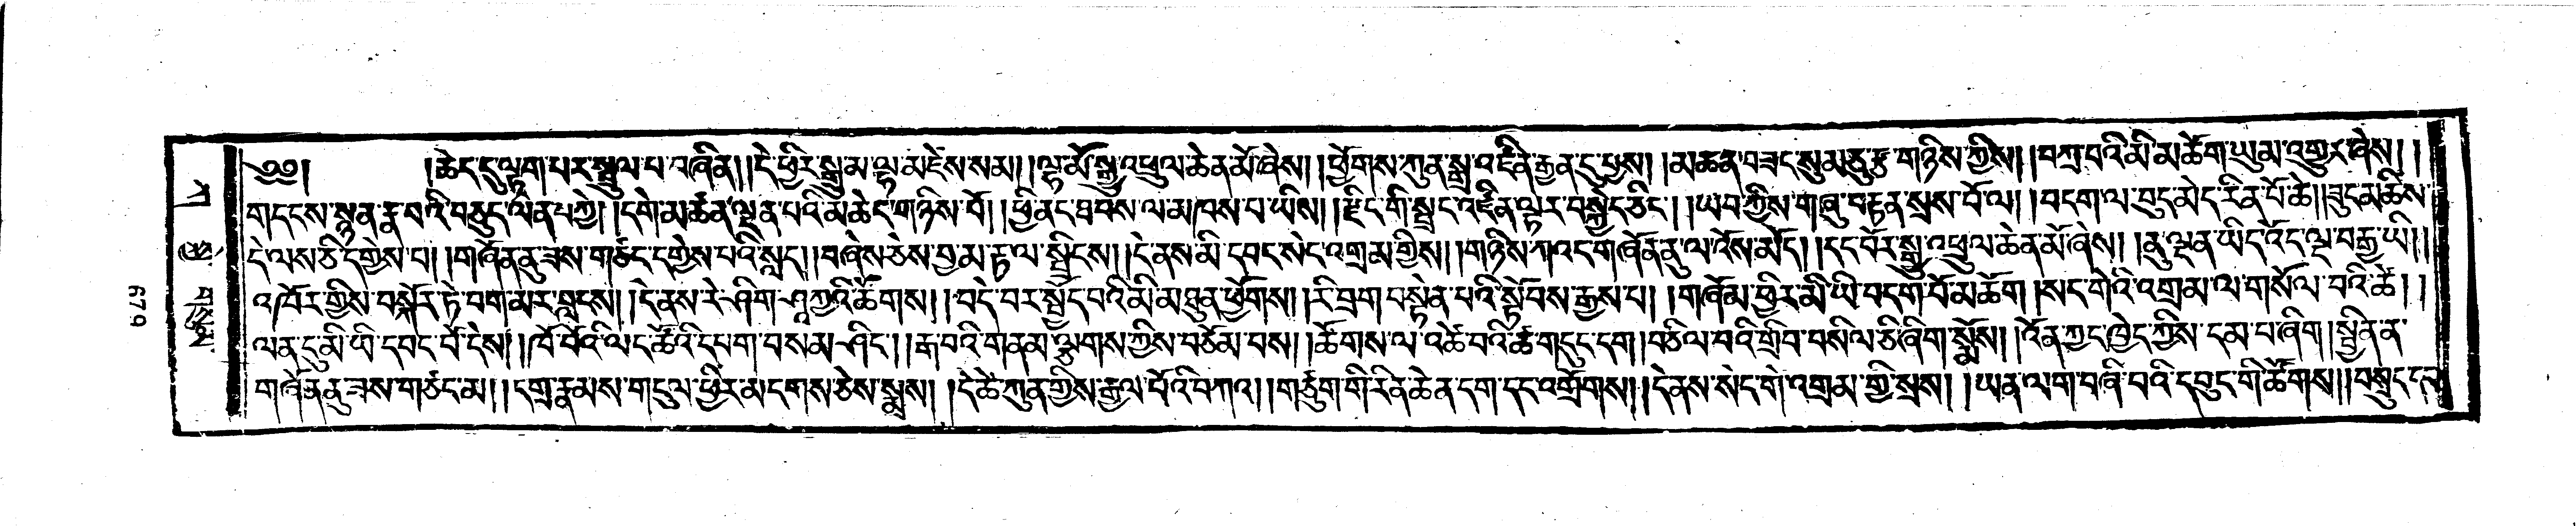༄༅། །ཆེད་དུ་ལྷག་པར་སྤྲུལ་པ་བཞིན། །དེ་ཕྱིར་སྒྱུ་མ་ལྷ་མཛེས་སམ། །ལྷ་མོ་སྒྱུ་འཕྲུལ་ཆེན་མོ་ཞེས། །ཕྱོགས་ཀུན་སྒྲ་འཛིན་རྒྱན་དུ་བྱས། །མཚན་བཟང་སུམ་ཅུ་རྩ་གཉིས་ཀྱིས། །བཀྲ་བའི་མི་མཆོག་ཡུམ་འགྱུར་ཞེས། །
གདངས་སྙན་རྣ་བའི་བཅུད་ལེན་བཀྱེ། །དགེ་མཚན་ལྡན་པའི་མཆེད་གཉིས་པོ། །ཕྱི་ནང་ཐབས་ལ་མཁས་པ་ཡིས། །རྫིང་གི་སྦྲང་འཛིན་ལྟར་བསྐྱང་ཅིང་། །ཡབ་ཀྱིས་གཞུ་བརྟན་སྲས་པོ་ལ། །བདག་ལ་བུད་མེད་རིན་པོ་ཆེ། །ཟུང་མཆིས་
དེ་ལས་ཅི་དགྱེས་པ། །གཞོན་ནུ་ཟས་གཙང་དགྱེས་པའི་སླད། །བཞེས་ཅེས་བྱ་མ་རྟ་ལ་སྤྲིངས། །དེ་ནས་མི་དབང་སེང་འགྲམ་གྱིས། །གཉིས་ཀའང་གཞོན་ནུ་ལ་འོས་མོད། །དང་པོར་སྒྱུ་འཕྲུལ་ཆེན་མོ་ཞེས། །ནུ་ལྡན་ཡིད་འོང་ལྔ་བརྒྱ་ཡི། །
འཁོར་གྱིས་བསྐོར་ཏེ་བག་མར་བླངས། །དེ་ནས་རེ་ཤིག་ཤཱཀྱའི་ཚོགས། །བདེ་བར་སྤྱོད་པའི་མི་མཐུན་ཕྱོགས། །རི་བྲག་བསྟེན་པའི་སྟོབས་རྒྱས་པ། །གཞོམ་ཕྱིར་མི་ཡི་བདག་པོ་མཆོག །སེང་གེའི་འགྲམ་ལ་གསོལ་བའི་ཚེ། །
ལན་དུ་མི་ཡི་དབང་པོ་དེས། །ཁོ་བོའི་ལང་ཚོའི་དཔག་བསམ་ཤིང་། །རྒ་བའི་གནམ་ལྕགས་ཀྱིས་བཅོམ་པས། །ཚོགས་ལ་འཚེ་བའི་ཚ་གདུང་དག །བཅིལ་བའི་གྲིབ་བསིལ་ཅི་ཞིག་སྨོས། །འོན་ཀྱང་ཁྱེད་ཀྱིས་དམ་པ་ཞིག །སྦྱིན་ན་
གཞོན་ནུ་ཟས་གཙང་མ། །དགྲ་རྣམས་གདུལ་ཕྱིར་མངགས་ཅེས་སྨྲས། །དེ་ཚེ་ཀུན་གྱིས་རྒྱལ་པོའི་བཀའ། །གཙུག་གི་རིན་ཆེན་དག་དང་འགྲོགས། །དེ་ནས་སེང་གེ་འགྲམ་གྱི་སྲས། །ཡན་ལག་བཞི་པའི་དཔུང་གི་ཚོགས། །བསྲུང་དང་